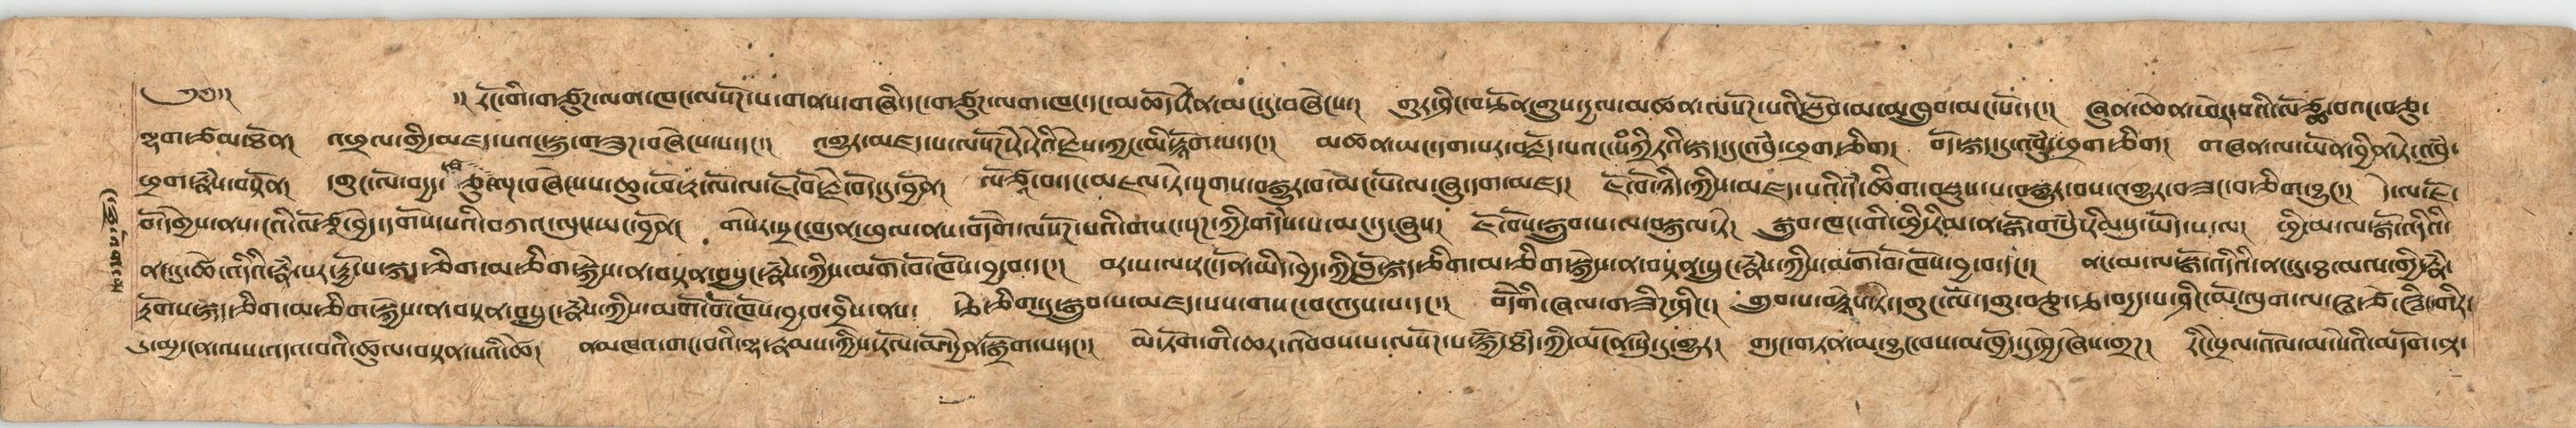་། རོང་གི་གཙུཌ་ལག་ཁང་ལ་སོཌ་པ་གནས་གཞི་དང་གཙུཌ་ལག་ཁང་དང་མཆོད་རྟེན་མང་དུ་བཞེངས་། གུར་ཤིང་བརྩོན་གྲུས་དྱལ་མཚན་ལ་སོཌ་པའི་སློབ་མ་མཁྲུབ་མང་པོ་དང་། ཞུན་ཆེན་ཕེར་བའི་ལོཙྪ་བའང་བཅུ་
ལྷག་ཙམ་ཐོན། འཕྲལ་གྱི་མཛད་པའང་སྐུ་གཟུཌ་བཞེངས་པ་དང་། འགྱུར་མཛད་པ་ལསོཌ་རེ་རེའི་རྗེས་ཀྱང་མི་རྙོག་པ་དང་། མཚན་ཡང་དག་པར་བརྗོད་པའང་སཾཀྲིཏའི་སྐད་དུ་འབུཾ་ཕྲག་ཅིག། བོད་སྐད་དུ་འབུཾ་ཕྲག་ཅིག། གཞན་ལ་ཡོན་བྱིན་ཏེ་འབུཾ་
ཕྲག་རྣཾས་བསྟོན། དགུང་ལོ་བདྱད་ཅུ་རྩ་ལྔ་བཞེངས་པ་ཆུ་ཕོ་རྟ་ལོ་ལ་ཇོ་བོ་རྗེ་བོད་དུ་བྱོན། ལོཙཱ་བ་དང་མཇལ་ཏེ་སྔགས་བསྒྱུར་བ་མང་པོ་ལ་ཞུ་དག་མཛད། ཇོ་བོ་ཉིད་ཀྱིས་མཛད་པའི་དཾ་ཚིག་བསྡུས་པ་བསྒྱུར་བས་འགྱུར་བཟང་བ་ཅིག་བྱུང་། དེ་ལ་ཇོ་
བོ་དགྱེས་ནས་ངའི་ལོཙཱ་བྱེད་དགོས་པའི་བཀའ་ལུང་ཡང་བྱོན། གསེར་སྲང་བདུན་ཕུལ་ནས་བདེོག་ལསོཌ་པའི་གསང་སྔཌ་ཀྱི་གདཾས་པ་མང་དུ་ཞུས། ཇོ་བོས་སྒྲུབ་པ་ལ་བསྐུལ་ཏེ། སྒྲུབ་ཁང་གི་ཕྱི་རིམ་ན་སྒོ་གསུཾ་རིམ་དུ་ཡོད་པ་ལ། ཕྱི་མ་ལ་སྒོ་འདིའི་
ནང་དུ་ཚེ་འདིའི་རྣཾ་པར་རྟྱོ་པ་སྐད་ཅིག་མ་ཅིག་སྐྱེས་ན་བསྟན་བསྲུང་རྣཾས་ཀྱིས་མགོ་བོ་ཁོས་བྱ་བ་དང་། བར་པ་ལ་རང་དོན་ཡིད་བྱེད་ཀྱི་བློ་སྐད་ཅིག་མ་ཅིག་སྐྱེས་ན་བསྟན་སྲུང་སརྣཾས་ཀྱིས་མགོ་བོ་ཁོས་བྱ་བ་དང་། ནང་མ་ལ་སྒོ་འདིའི་ནང་དུ་ཐ་མལ་གྱི་རྣཾ་
རྟོགས་སྐད་ཅིག་མ་ཅིག་སྐྱེས་ན་བསྟན་བསྲུང་རྣཾས་ཀྱིས་མགོ་བོ་ཁོས་བྱ་བ་བྲིས་ནས། རྩེ་ཅིག་དུ་སྒྲུབ་པ་མཛད་པས་གསང་བ་འདུས་པ་དང་། བདེོགི་ཞལ་གཟིཌ་ཤིང་། གྲུབ་པ་བརྙེས་ཏེ་དགུང་ལོ་དགུ་བཅུ་རྩ་བདྱད་པ་ཤིང་མོ་ལུག་ལ་ཝ་ཙེ་ཝི་གིར་
དུ་མྱ་ངན་ལས་འདའ་བའི་ཚུལ་བསྟན་པའི་ཚེ། ནམཁའ་གང་བའི་ལྷ་རྣམས་ཀྱིས་རོལ་མོ་དྱེན་སྒྲོག་པ་དང་། མེ་ཏོག་གི་ཆར་འབེབས་པ་ལསོཌ་པ་སྐྱེོ་ཐཾད་ཀྱི་མངོན་སུཾ་དུ་གྱུར། གདུང་གཏན་མ་བྱུང་བས་མཁྱོད་དུ་ཤྱེ་ཞེས་གྲཌ། རིང་སྲེལ་འོལ་མ་སེའི་མདོག་ལྟ་